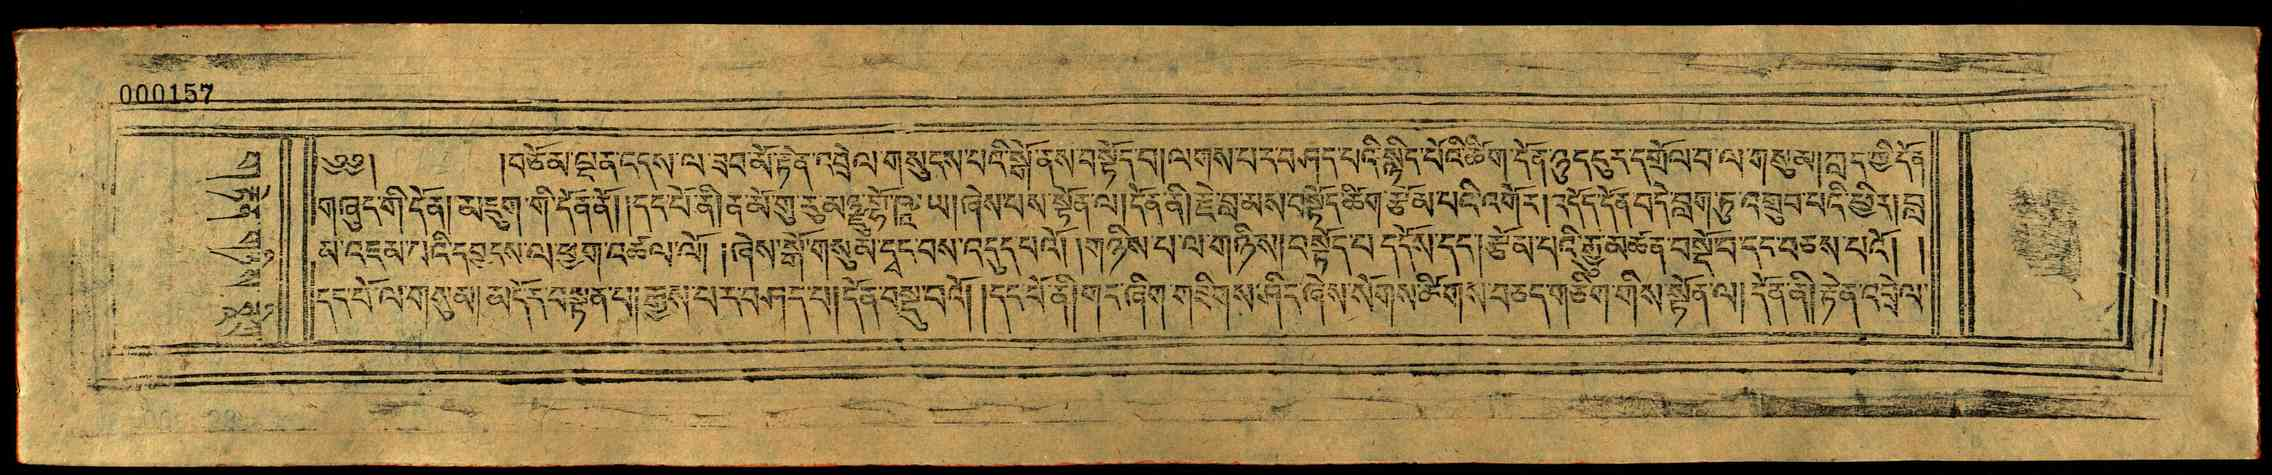༄༅། །བཅོམ་ལྡན་འདས་ལ་ཟབ་མོ་རྟེན་འབྲེལ་གསུངས་པའི་སྒོ་ནས་བསྟོད་པ། ལེགས་པར་བཤད་པའི་སྙིང་པོའི་ཚིག་དོན་ཉུང་ངུར་དགྲོལ་བ་ལ་གསུམ། ཀླད་ཀྱི་དོན་
གཞུང་གི་དོན། མཇུག་གི་དོན་ནི། །དང་པོ་ནི། ན་མོ་གུ་རུ་མཉྫུ་གྷོ་ཥཱ་ཡ། ཞེས་པས་སྟོན་ལ། དོན་ནི། རྗེ་བླ་མས་བསྟོད་ཚིག་རྩོམ་པའི་འགོར། འདོད་དོན་བདེ་བླག་ཏུ་འགྲུབ་པའི་ཕྱིར། བླ་
མ་འཇམ་པའི་དབྱངས་ལ་ཕྱག་འཚལ་ལོ། །ཞེས་སྒོ་གསུམ་དྭང་བས་འདུད་པའོ། །གཉིས་པ་ལ་གཉིས། བསྟོད་པ་དངོས་དང་། རྩོམ་པའི་རྒྱུ་མཚན་བསྔོ་བ་དང་བཅས་པའོ། །
དང་པོ་ལ་གསུམ། མདོར་བསྟན་པ། རྒྱས་པར་བཤད་པ། དོན་བསྡུ་བའོ། །དང་པོ་ནི། གང་ཞིག་གཟིགས་ཤིང་ཞེས་སོགས་ཚིགས་བཅད་གཅིག་གིས་སྟོན་ལ། དོན་ནི། རྟེན་འབྲེལ་